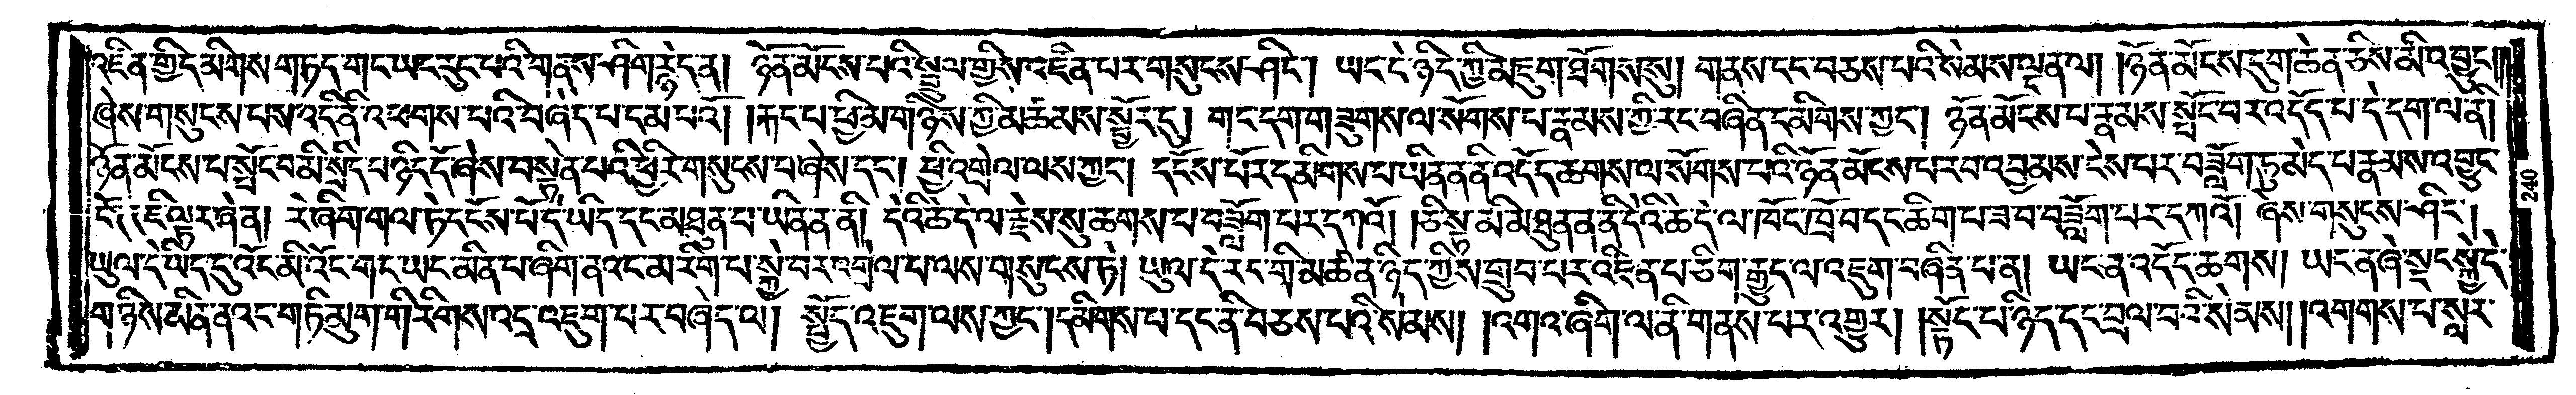འཛིན་གྱི་དམིགས་གཏད་གང་ཡང་རུང་བའི་གནས་ཤིག་རྙེད་ན། ཉོན་མོངས་པའི་སྦྲུལ་གྱིས་འཛིན་པར་གསུངས་ཤིང་། ཡང་དེ་ཉིད་ཀྱི་མཇུག་ཐོགས་སུ། གནས་དང་བཅས་པའི་སེམས་ལྡན་ལ། །ཉོན་མོངས་དུག་ཆེན་ཅིས་མི་འབྱུང་།
།ཞེས་གསུངས་པས་འདི་ནི་འཕགས་པའི་བཞེད་པ་དམ་པའོ། །རྐང་པ་ཕྱི་མ་གཉིས་ཀྱི་མཚམས་སྦྱོར་དུ། གང་དག་གཟུགས་ལ་སོགས་པ་རྣམས་ཀྱི་རང་བཞིན་དམིགས་ཀྱང་། ཉོན་མོངས་པ་རྣམས་སྤོང་བར་འདོད་པ་དེ་དག་ལ་ནི།
ཉོན་མོངས་པ་སྤོང་བ་མི་སྲིད་པ་ཉིད་དོ་ཞེས་བསྟེན་པའི་ཕྱིར་གསུངས་པ་ཞེས་དང་། ཕྱི་འགྲེལ་ལས་ཀྱང་། དངོས་པོར་དམིགས་པ་ཡིན་ན་ནི་འདོད་ཆགས་ལ་སོགས་པའི་ཉོན་མོངས་པ་རབ་འབྱམས་ངེས་བར་བཟློག་ཏུ་མེད་པ་རྣམས་འབྱུང་
ངོ༑ ༑ཇི་ལྟར་ཞེ་ན། རེ་ཞིག་གལ་ཏེ་དངོས་པོ་དེ་ཡིད་དང་མཐུན་པ་ཡིན་ན་ནི། དེའི་ཚེ་དེ་ལ་རྗེས་སུ་ཆགས་པ་བཟློག་པར་དཀའོ། །ཅི་སྟེ་མི་མཐུན་ན་ནི་དེའི་ཚེ་དེ་ལ་ཁོང་ཁྲོ་ང་དང་ཚིག་པ་ཟ་བ་བཟློག་པར་དཀའོ། ཞེས་གསུངས་ཤིང་།
ཡུལ་དེ་ཡིད་དུ་འོང་མི་འོང་གང་ཡང་མིན་པ་ཞིག་ནའང་མ་རིག་པ་སྐྱེ་བར་འགྲེལ་པ་ལས་གསུངས་ཏེ། ཡུལ་དེ་རང་གི་མཚན་ཉིད་ཀྱིས་གྲུབ་པར་འཛིན་པ་ཅིག་རྒྱུད་ལ་འཇུག་བཞིན་པ་ན། ཡང་ན་འདོད་ཆགས། ཡང་ན་ཞེ་སྡང་སྐྱེ་དེ་
གཉིས་མིན་ནའང་གཏི་མུག་གི་རིགས་འདྲ་འཇུག་པར་བཞེད་ལ། སྤྱོད་འཇུག་ལས་ཀྱང་། དམིགས་པ་དང་ནི་བཅས་པའི་སེམས། །འགའ་ཞིག་ལ་ནི་གནས་པར་འགྱུར། །སྟོང་པ་ཉིད་དང་བྲལ་བའི་སེམས། །འགགས་པ་སླར་